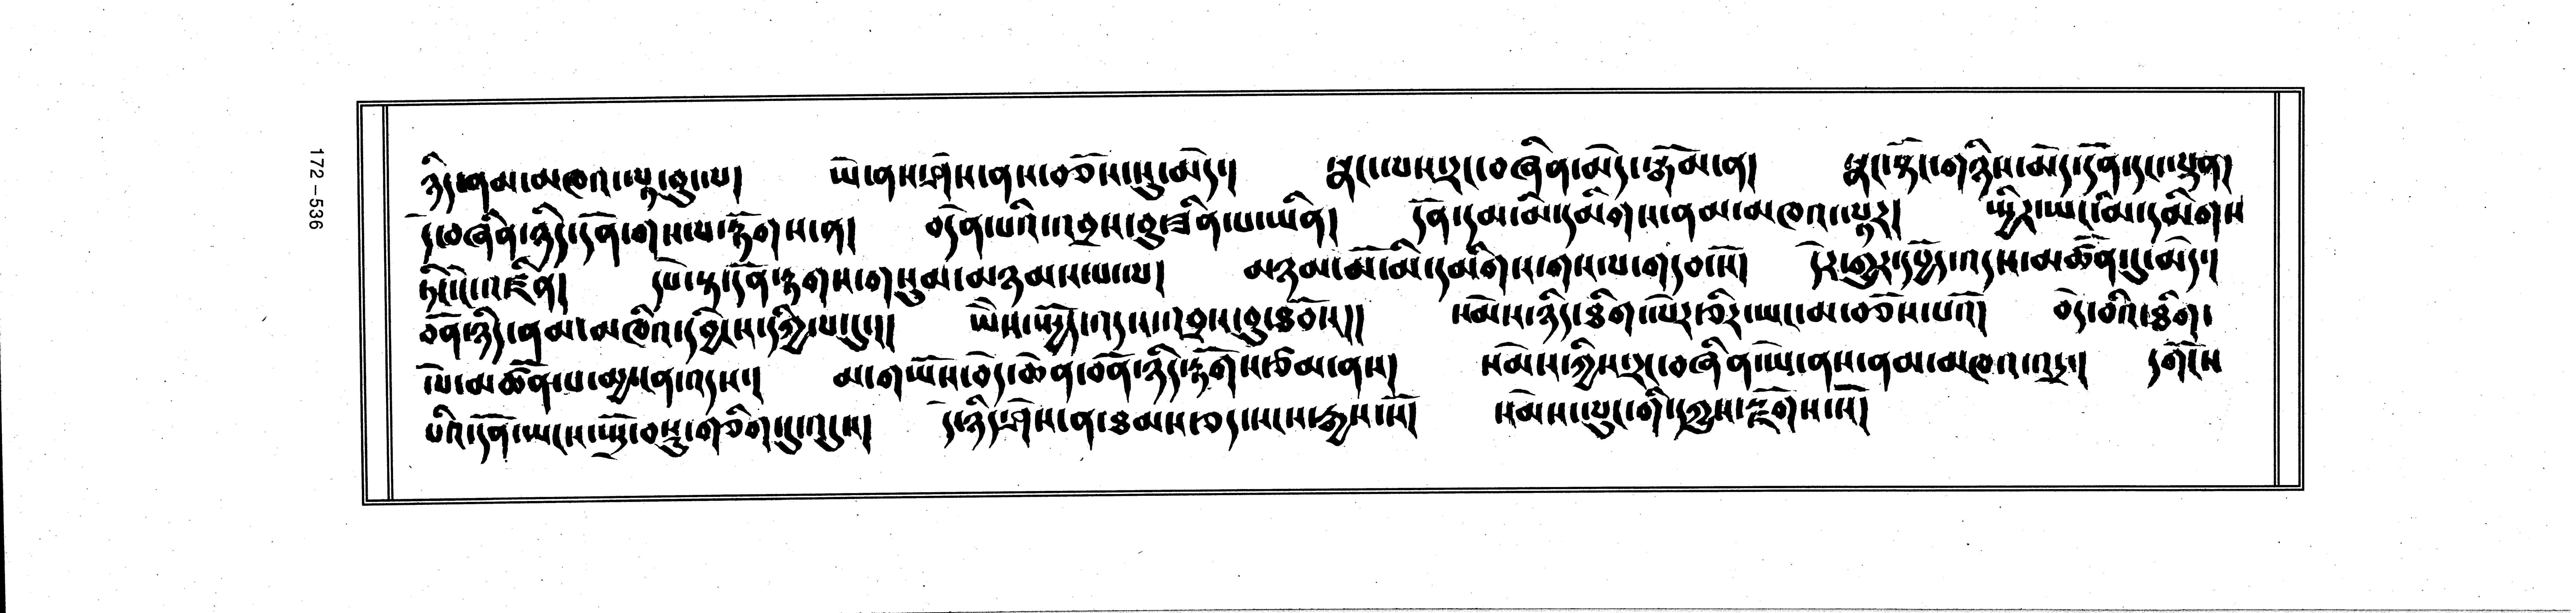ཉིད་ནམ་མཁའ་ལྟ་བུ་ལ། ཡེ་ནས་ཤེས་ནས་བཅོས་སུ་མེད། སྣང་ལ་རང་བཞིན་མེད་སྒོམ་ན། སྣང་སྟོང་གཉིས་མེད་དོན་དང་ལྡན། 
དེ་བཞིན་ཉིད་དོན་གསལ་རྟོགས་ན། བདེན་པའི་འབྲས་བུ་ཟིན་པ་ཡིན། དོན་དམ་མི་དམིགས་ནམ་མཁའ་ལྟར། སྤྱིར་ཡང་མི་དམིགས་
ཏིང་ངེ་འཛིན། དཔེ་སྟ་དོན་རྟགས་གསུམ་མཉམ་པ་ལ། མཉམ་མོ་མི་དམིགས་གསལ་གདབ་སོ། དེར་གྱུར་དཔྱོད་འདས་མཚོན་དུ་མེད། 
བོན་ཉིད་ནམ་མཁའི་དབྱིངས་དཀྱིལ་དུ། ཡེ་ཤེས་སྤྱོད་འདས་འབྲས་བུ་ཐོབ། སེམས་ཉིད་ཐིག་ལེར་ཅིར་ཡང་མ་བཅོས་པའོ། བདེ་བའི་ཐིག་
ལེ་མཚོན་པ་མྱང་ངན་འདས། མ་གཡོས་བདེ་ཆེན་བོན་ཉིད་རྟོགས་ཙམ་ནས། སེམས་ཀྱིས་རང་བཞིན་ཡེ་ནས་ནམ་མཁའ་འདྲ། དགོངས་
པའི་དོན་ཡང་སྤྲོ་བསྡུ་གཅིག་དུ་འདུས། དེ་ཉིད་ཤེས་ན་ཐམས་ཅད་སངས་རྒྱས་སོ། སེམས་ལུང་གི་དཀྱུས་རྫོགས་སོ།